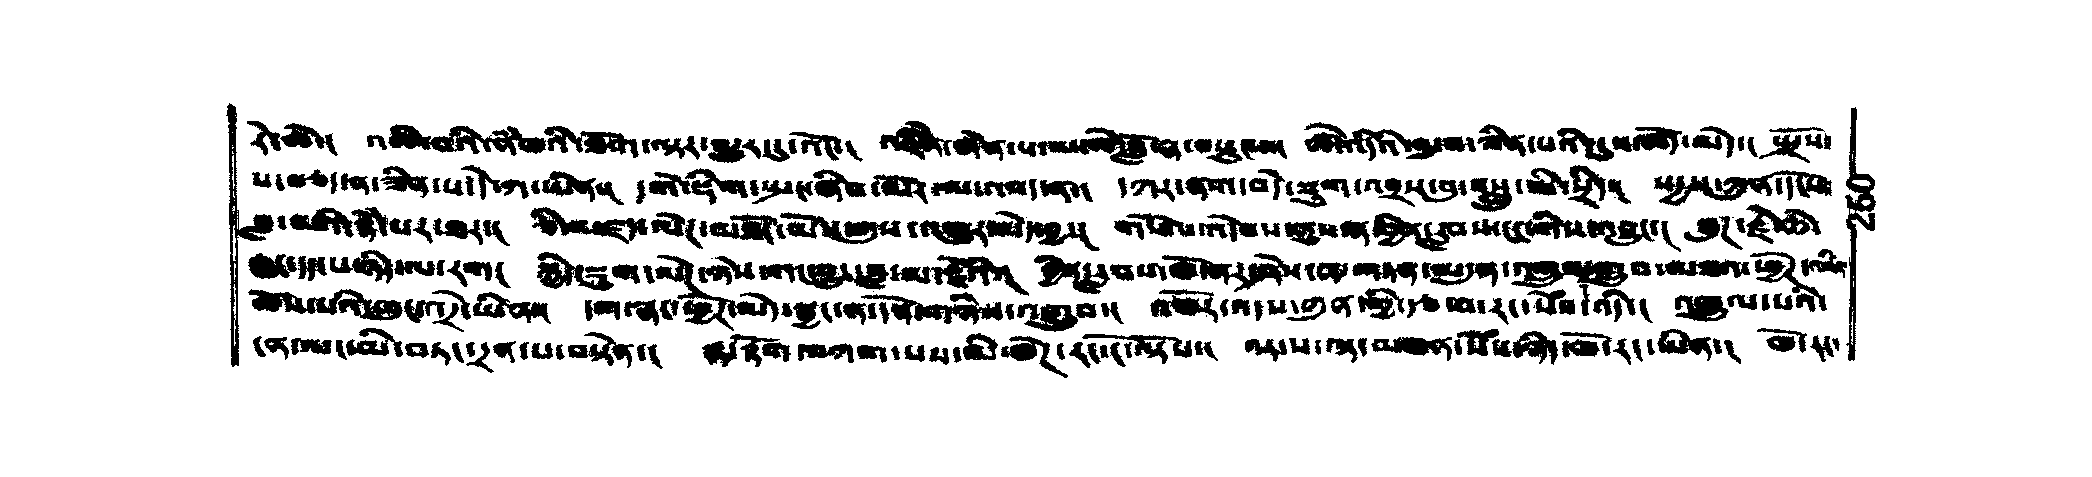རེ་ཆེ། །འཆི་བ་ནམ་མཁའི་ཐོག་ལྟར་མྱུར་དུ་འོང་། །འཇིག་རྟེན་ཞེན་པ་མ་ཆེ་བློ་ན་བསྟུངས། །ཚེ་འདིའི་བྱ་བ་ཟིན་པའི་དུས་ཚོད་མེད། །སྤྲོས་
པ་བཅད་ན་ཟིན་པ་དེ་ག་ཡིན། །དགེ་སྡིག་སྤང་ཞིབ་མ་ནོར་ལ་འབར་ན། །དཀར་ནག་བདེ་སྡུག་འབྲས་བུ་བསླུ་མི་སྲིད། །སངས་རྒྱས་ཀུན་དངོས་
བླ་མའི་རྣམ་པར་ཐར། །ཅི་མཛད་ལེགས་མཐོང་མོས་གུས་འགྱུར་མེད་བྱ། །གསོལ་འདེབས་ནུས་ན་བྱིན་རླབས་ངང་གིས་འབྱུང་། །ཐུགས་རྗེ་ཆེ་
ཆུང་དད་པ་ཉིད་ལ་རག།སྐྱིད་སྡུག་ལེགས་ཉེས་གང་བྱུང་བླ་མ་རྗེའི། །བྱིན་རླབས་ཁོ་ནར་ཤེས་པས་གཏན་མདུན་འགྲུབ། །གྲུབ་མཐའ་ཕྱོགས་འཛིན་
ཆོས་པའི་ཕུང་འདྲེ་ཡིན། །དག་སྣང་ཕྱོགས་མེད་སྦྱང་ན་དོན་གཉིས་འགྲུབ། །འཁོར་འདས་ཀུན་གྱི་རྩ་བ་རང་སེམས་འདི། །འཁྲུལ་པའི་
ངང་ལ་མི་བཏང་དྲན་པ་བསྟེན། །རྣམ་རྟོག་བཀག་པས་མི་ཁེགས་རང་ངོ་ལྟོས། །ལྟ་ས་ལྟ་མཁན་སེམས་ཉིད་ཁོ་རང་ཡིན། །ཁོ་རང་